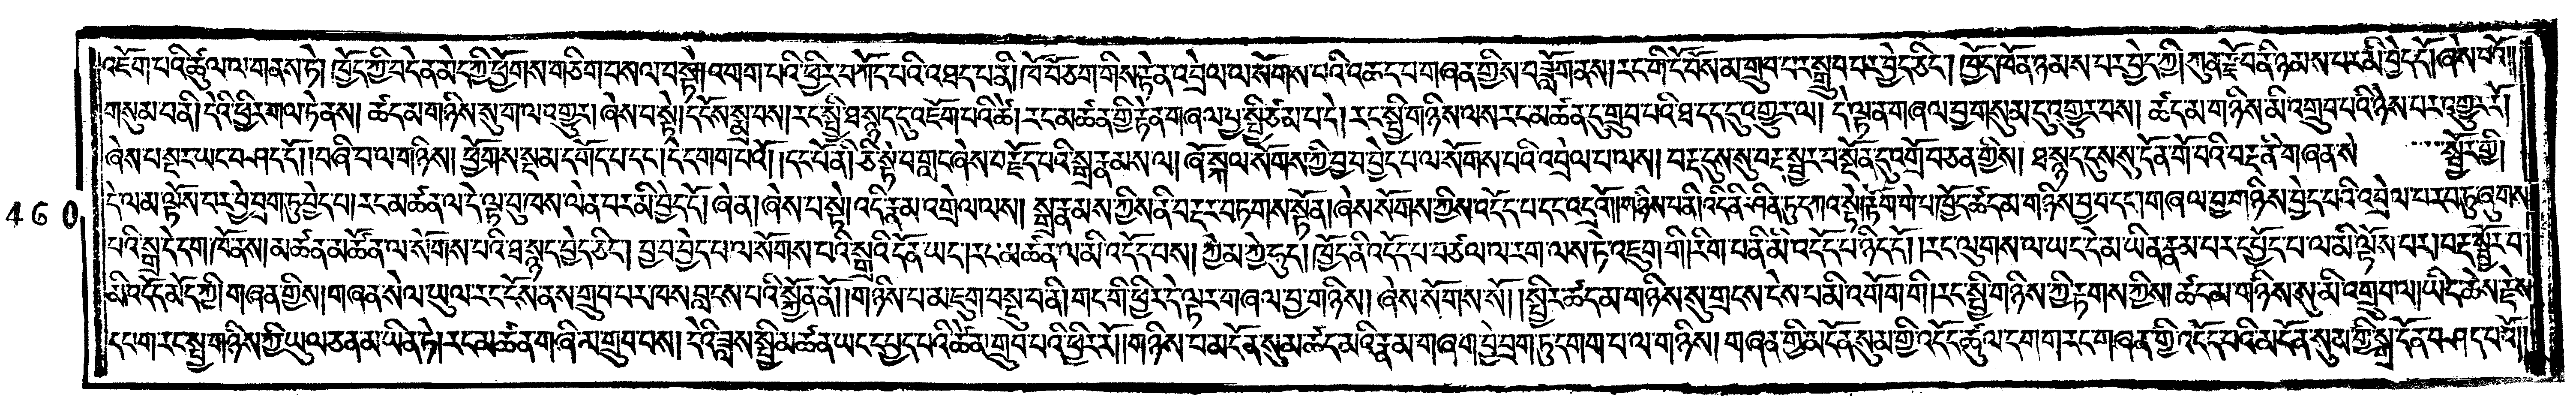འཇོག་པའི་ཚུལ་ལ་གནས་ཏེ། ཁྱོད་ཀྱི་བདེན་མེད་ཀྱི་ཕྱོགས་གཅིག་བསལ་བ་སྟེ། འགག་པའི་ཕྱིར་བཀོད་པའི་འཐད་པ་ནི། ཁོ་བོ་ཅག་གིས་རྟེན་འབྲེལ་ལ་སོགས་པའི་འཆད་པ་གཞན་གྱིས་བཟློག་ནས། རང་གི་ངོ་བོས་མ་གྲུབ་པར་སྒྲུབ་པར་བྱེད་ཅིང་། ཁྱོད་ཁོ་ན་ཉམས་པར་བྱེད་ཀྱི། ཀུན་རྫོབ་ནི་ཉམས་པར་མི་བྱེད་དོ། ཞེས་པའོ།།
གསུམ་བ་ནི། དེའི་ཕྱིར་གལ་ཏེ་ནས། ཚད་མ་གཉིས་སུ་ག་ལ་འགྱུར། ཞེས་པ་སྟེ། དངོས་སྨྲ་བས། རང་སྤྱི་ཐ་སྙད་དུ་འཇོག་པའི་ཚེ། རང་མཚན་གྱི་རྟེན་གཞལ་བྱ་སྤྱི་ཙམ་པ་དེ། རང་སྤྱི་གཉིས་ལས་རང་མཚན་དུ་གྲུབ་པའི་ཐ་དད་དུ་འགྱུར་ལ། དེ་ལྟ་ན་གཞལ་བྱ་གསུམ་དུ་འགྱུར་བས། ཚད་མ་གཉིས་མི་འགྲུབ་པའི་ཉེས་པར་འགྱུར་རོ།
ཞེས་བ་སྔར་ཡང་བཤད་དོ། །བཞི་པ་ལ་གཉིས། ཕྱོགས་སྔ་མ་དགོད་པ་དང་། དེ་དགག་པའོ། །དང་པོ་ནི། ཅི་སྟེ་བ་གླང་ཞེས་བརྗོད་པའི་སྒྲ་རྣམས་ལ། ཞོ་སྐལ་སོགས་ཀྱི་བྱ་བ་བྱེད་པ་ལ་སོགས་པའི་འབྲེལ་པ་ལས། བརྡ་དུས་སུ་བརྡ་སྦྱར་བ་སྔོན་དུ་འགྲོ་བ་ཅན་གྱིས། ཐ་སྙད་དུས་སུ་དོན་གོ་བའི་བརྡ་ནི་གཞན་སེལ་བ་སྦྱོར་གྱི།
དེ་ལམ་ལྟོས་པར་བྱེ་བྲག་ཏུ་བྱེད་པ། རང་མཚན་ལ་དེ་ལྟ་བུ་ཁས་ལེན་བར་མི་བྱེད་དོ། ཞེ་ན། ཞེས་པ་སྟེ། འདི་རྣམ་འགྲེལ་ལས། སྒྲ་རྣམས་ཀྱིས་ནི་བརྡར་བཏགས་སྟོན། ཞེས་སོགས་ཀྱིས་འདོད་པ་དང་འདྲའོ། །གཉིས་པ་ནི། འདི་ནི་ཤིན་ཏུ་དཀའ་སྟེ། རྟོག་གེ་པ་ཁྱོད་ཚད་མ་གཉིས་བྱ་བ་དང་། གཞལ་བྱ་གཉིས་བྱེད་པའི་འབྲེལ་པ་རབ་ཏུ་ཞུགས་
བའི་སྒྲ་དེ་དག་ཁོ་ནས། མཚན་མཚོན་ལ་སོགས་པའི་ཐ་སྙད་བྱེད་ཅིང་། བྱ་བ་བྱེད་པ་ལ་སོགས་པའི་སྒྲའི་དོན་ཡང་། རང་མཚན་ལ་མི་འདོད་བས། ཀྱེ་མ་ཀྱེ་ཧུད། ཁྱོད་ནི་འདོད་པ་བཙལ་ལ་རག་ལས་ཏེ་འཇུག་གི། རིག་པ་ནི་མི་འདོད་པ་ཉིད་དོ། །རང་ལུགས་ལ་ཡང་དེ་མ་ཡིན་རྣམ་པར་དཔྱོད་པ་ལ་མི་ལྟོས་པར། བརྡ་སྦྱོར་བ་
མི་འདོད་མོད་ཀྱི། གཞན་གྱིས། གཞན་སེལ་ཡུལ་རང་ངོས་ནས་གྲུབ་པར་ཁས་བླངས་བའི་སྐྱོན་ནོ། །གཉིས་པ་མཇུག་བསྡུ་བ་ནི། གང་གི་ཕྱིར་དེ་ལྟར་གཞལ་བྱ་གཉིས། ཞེས་སོགས་སོ། །སྤྱིར་ཚད་མ་གཉིས་སུ་གྲངས་ངེས་པ་མི་འགོག་གི། རང་སྤྱི་གཉིས་ཀྱི་རྟགས་ཀྱིས། ཚད་མ་གཉིས་སུ་མི་འགྲུབ་ལ། ཡིད་ཆེས་རྗེས་
དཔག་རང་སྤྱ་གཉིས་ཀྱི་ཡུལ་ཅན་མ་ཡིན་ཏེ། རང་མཚན་གཞི་མ་གྲུབ་བས། དེའི་ཟླས་སྤྱི་མཚན་ཡང་དཔྱད་པའི་ཚེམ་གྲུབ་པའི་ཕྱིར་རོ། །གཉིས་པ་མངོན་སུམ་ཚད་མའི་རྣམ་གཞག་བྱེ་བྲག་ཏུ་དགག་བ་ལ་གཉིས། གཞན་གྱི་མངོན་སུམ་གྱི་འདོད་ཚུལ་དགག་རང་གཞན་གྱི་འདོད་པའི་མངོན་སུམ་གྱི་སྒྲ་དོན་བཤད་བའོ།།